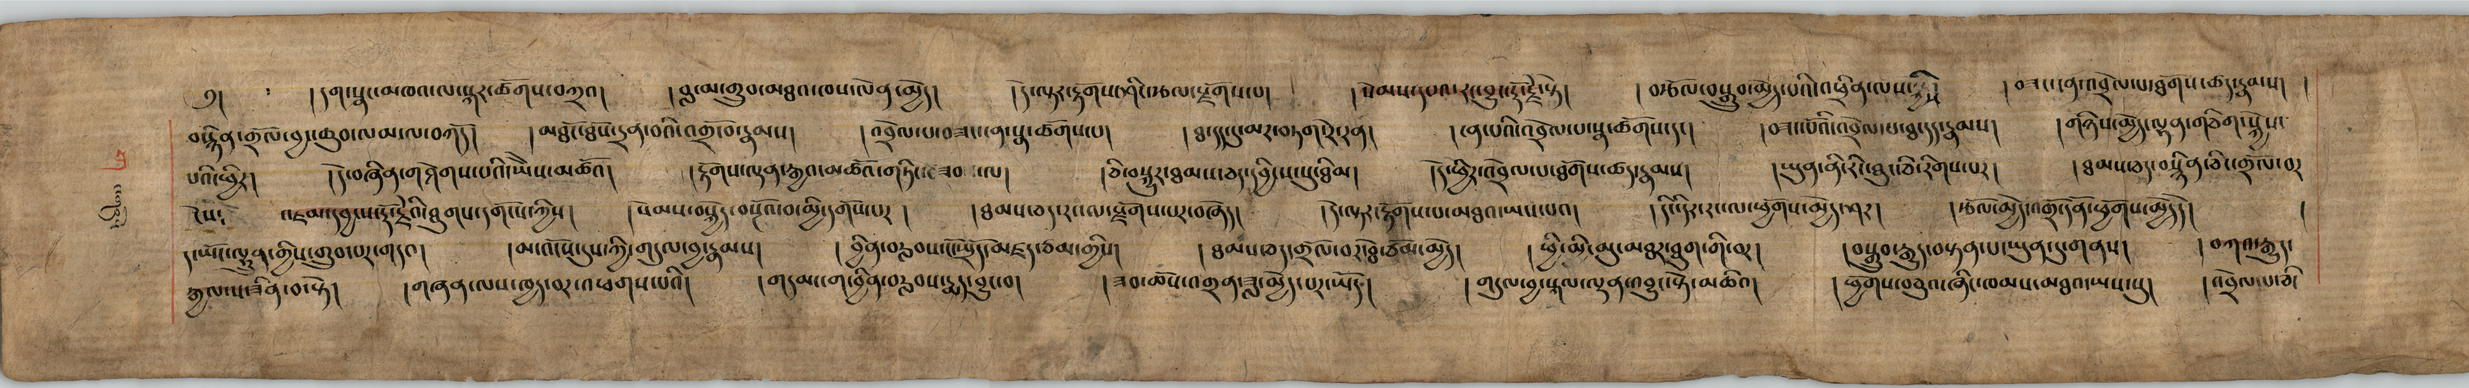༅། །དག་སྣང་མཁའ་ལ་སྐར་ཚོགས་བཀྲའ། །བླ་མ་གྲུབ་མཐའ་ཁས་ལེན་མྱེད། །དེ་ལྟར་རྟགས་ཤིང་རྩལ་སྫོགས་པ། །སེམས་དཔའ་རང་བྱུང་རྡོ་རྗེ་སྟེ། །བརྩོལ་བསྒྲུབ་མྱེད་པའི་འཕྲིན་ལས་ཀྱི། །བཟང་ངན་འབྲེལ་པ་ཐོགས་ཚད་རྣམས། །
བསྙིན་གྲོལ་བྱང་ཆུབ་ལམ་ལ་བཀོད། །མཐོང་ཐོས་དྲན་བའི་འགྲོ་བ་རྣམས། །འབྲེལ་པ་བཟང་ངན་སྣ་ཚོགས་པ། །ཐ་དད་དུ་མར་བཏག་རེ་རན། །ངན་པའི་འབྲེལ་པ་སྣ་ཚོགས་དང། །བཟང་པོའི་འབྲེལ་པ་ཐ་དད་རྣམས། །གཉིས་མྱེད་ལྷན་གཅིག་སྐྱེས་
པའི་ཕྱིར། །དེ་བཞིན་གཤེགས་པའི་ཡཻས་མཚོའ། །རྟོགས་ལྡན་རྒྱའ་མཚོའ་གཏིང་ཟབས་ལ། །ཅི་བསྐྱིར་ཐམས་ཅད་དབྱིངས་སུ་ཐིམ། །དེ་ཕྱིར་འབྲེལ་པ་ཐོགས་ཚད་རྣམས། །ཡུན་ནི་རིང་ཐུང་ཅི་རིགས་པར། །ཐམས་ཅད་བསྙིན་ཅིང་གྲོལ་བར
ངེས༴ འཇམ་དབཡྔས་རྡོ་རྗེའི་ཐུགས་དགོངས་ཀྱིས། །སེམས་བསྐྱེད་བསྔོའ་བ་མྱི་དགོས་པར། ཐམས་ཅད་རང་ལ་སྫོགས་པར་བཞེད། །དེ་ལྟར་རྟོགས་པ་མཐའ་ཡས་པའ། །དི་དིར་རང་ལ་ཕྱོགས་མྱེད་ཤར། །རྩོལ་མྱེད་འགྲོ་དོན་ཕྱོགས་མྱེདདེ།
ད་ཡོང་ལྷུན་གྱིས་གྲུབ་པར་གདའ། །མ་འོངས་དུས་ཀྱི་གདུལ་བྱ་རྣམས། །བྱིན་བརླབས་ངོ་སྤྲོད་མཛད་ཙམ་གྱིས། །ཐམས་ཅད་གྲོལ་བར་ཐེ་ཙོམ་མྱེད། །ཕྱི་མྱི་མུ་མཐར་ཐུག་གི་བར། །བསྒྲུབ་རྒྱུད་བསྟན་པ་ཡུན་དུ་གནས། །བཀའ་རྒྱུད་
རྒྱལ་ས་ཟིན་བ་སྟེ། །གཞན་ལས་ཁྱད་བར་འཕགས་པའི། །གདམ་ངག་བྱིན་བརླབས་རྨད་བྱུང་བ། །ཟབ་ཆོས་འགྲན་ཟླ་མྱེད་པར་ཡོད། །གདུལ་བྱ་སྐལ་ལྡན་འབྱུང་སྟེ་མཆིའ། །ཕྱོགས་བཅུའ་ཞིང་ཁམས་མཐའ་ཡས་སུ། །འབྲེལ་པ་ཅི་